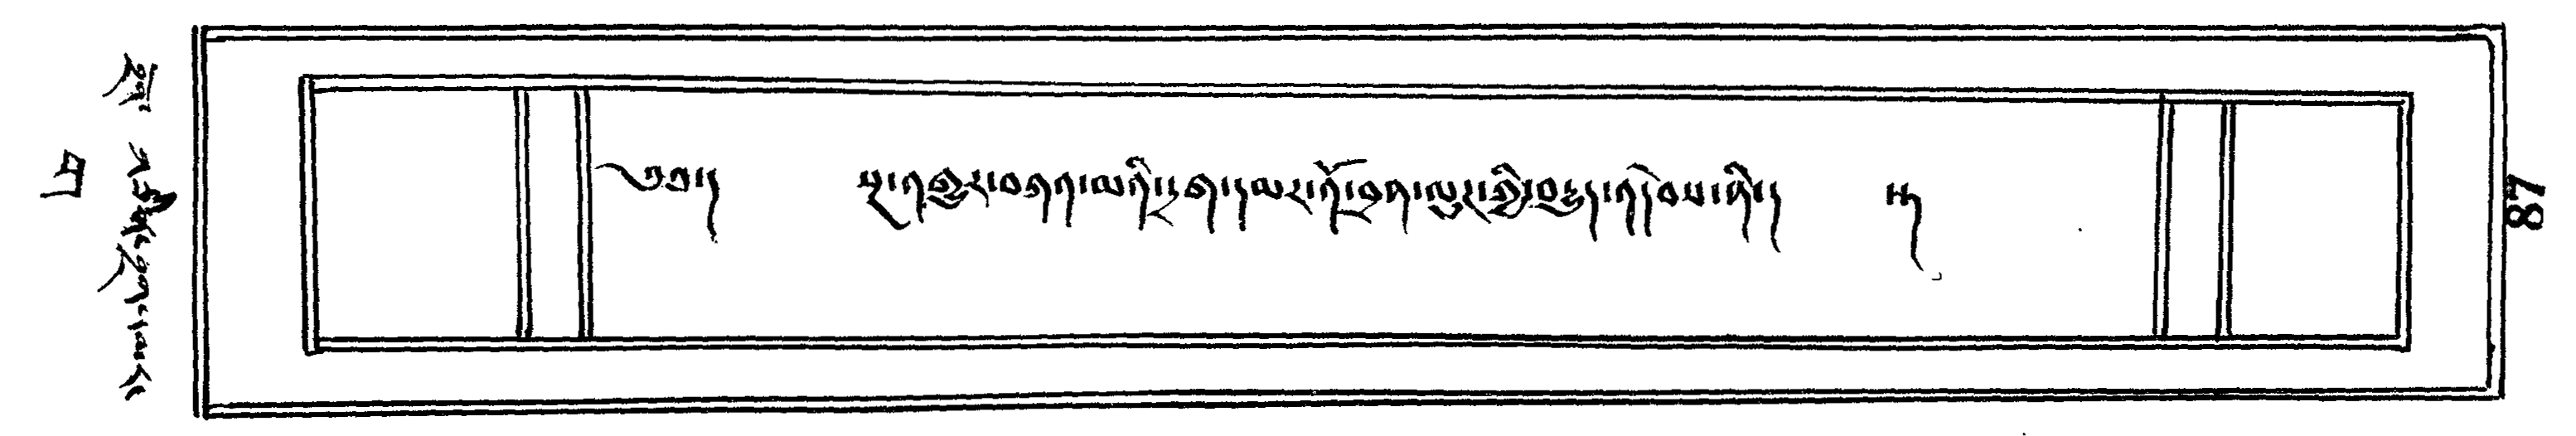༄༅། སྔ་འགྱུར་བཀའ་མའི་དྲག་དམར་འོ་བྲན་ལུགས་ཀྱི་བརྒྱུད་འདེབས་ནི།